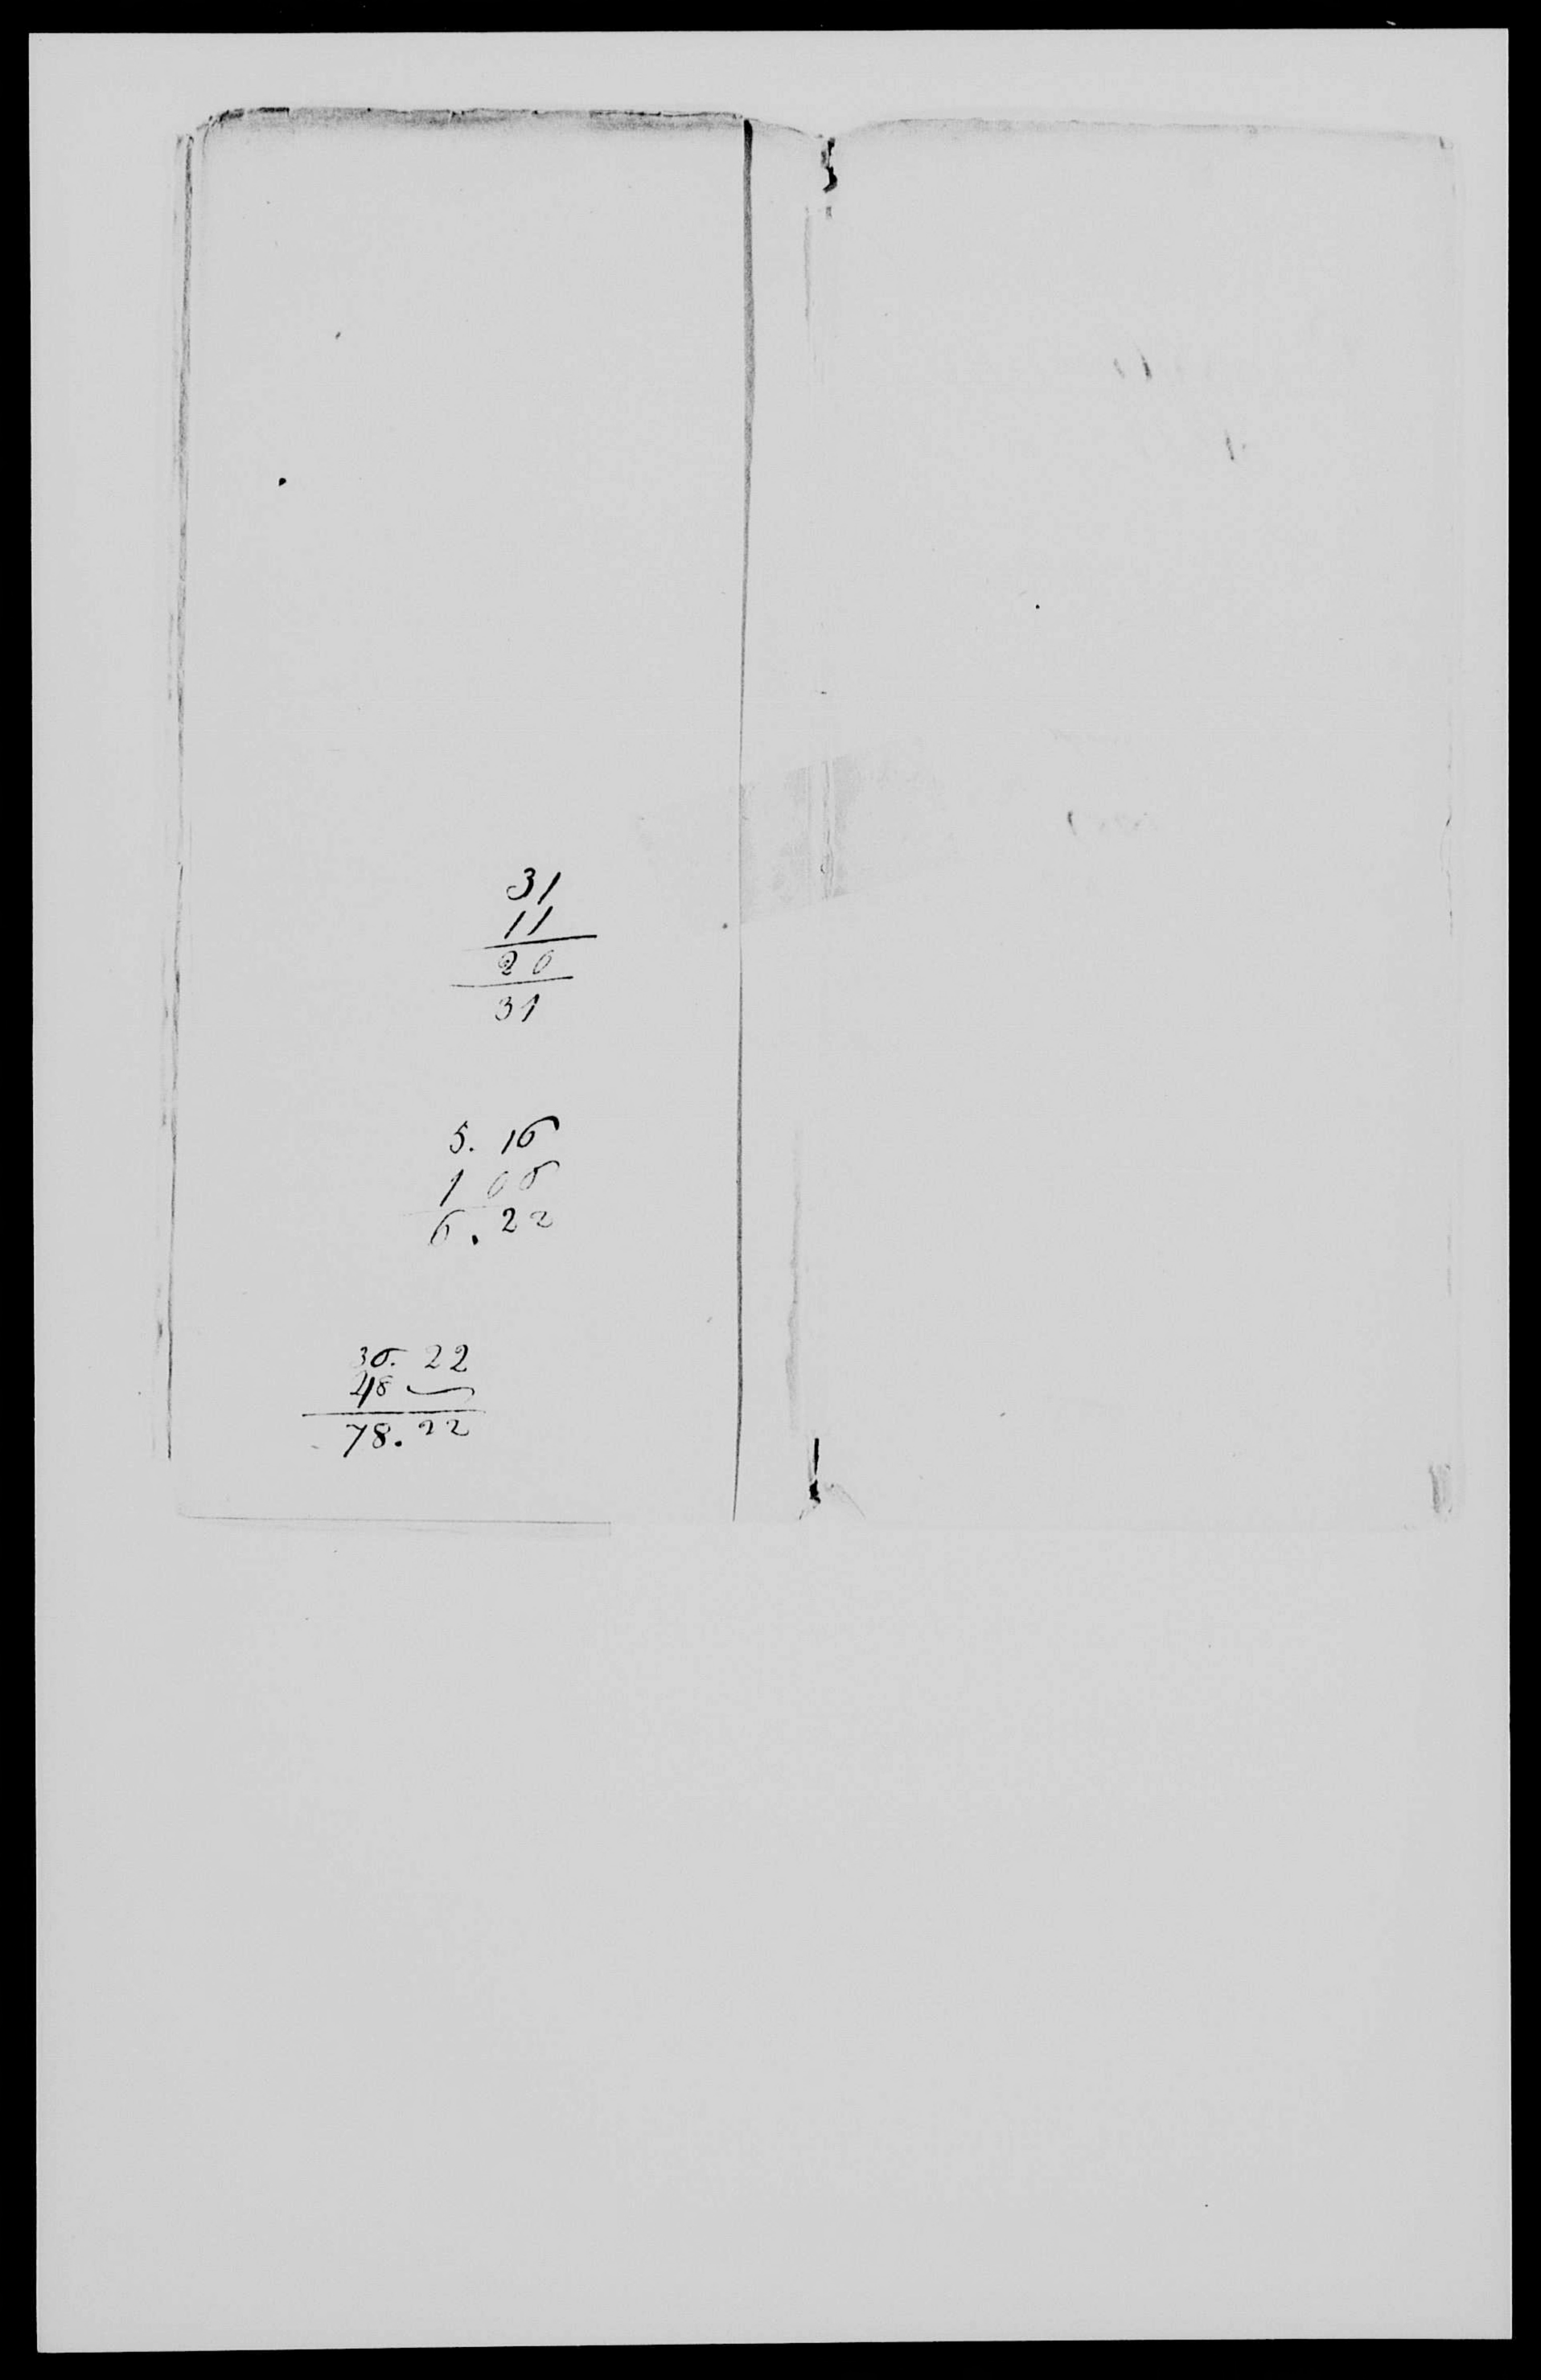31
11
26
31

5.16
1 00
6.22

30.22
48--
78.22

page: 2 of 79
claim: widow's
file: W. 2,906, Stephen Bennet, Conn.